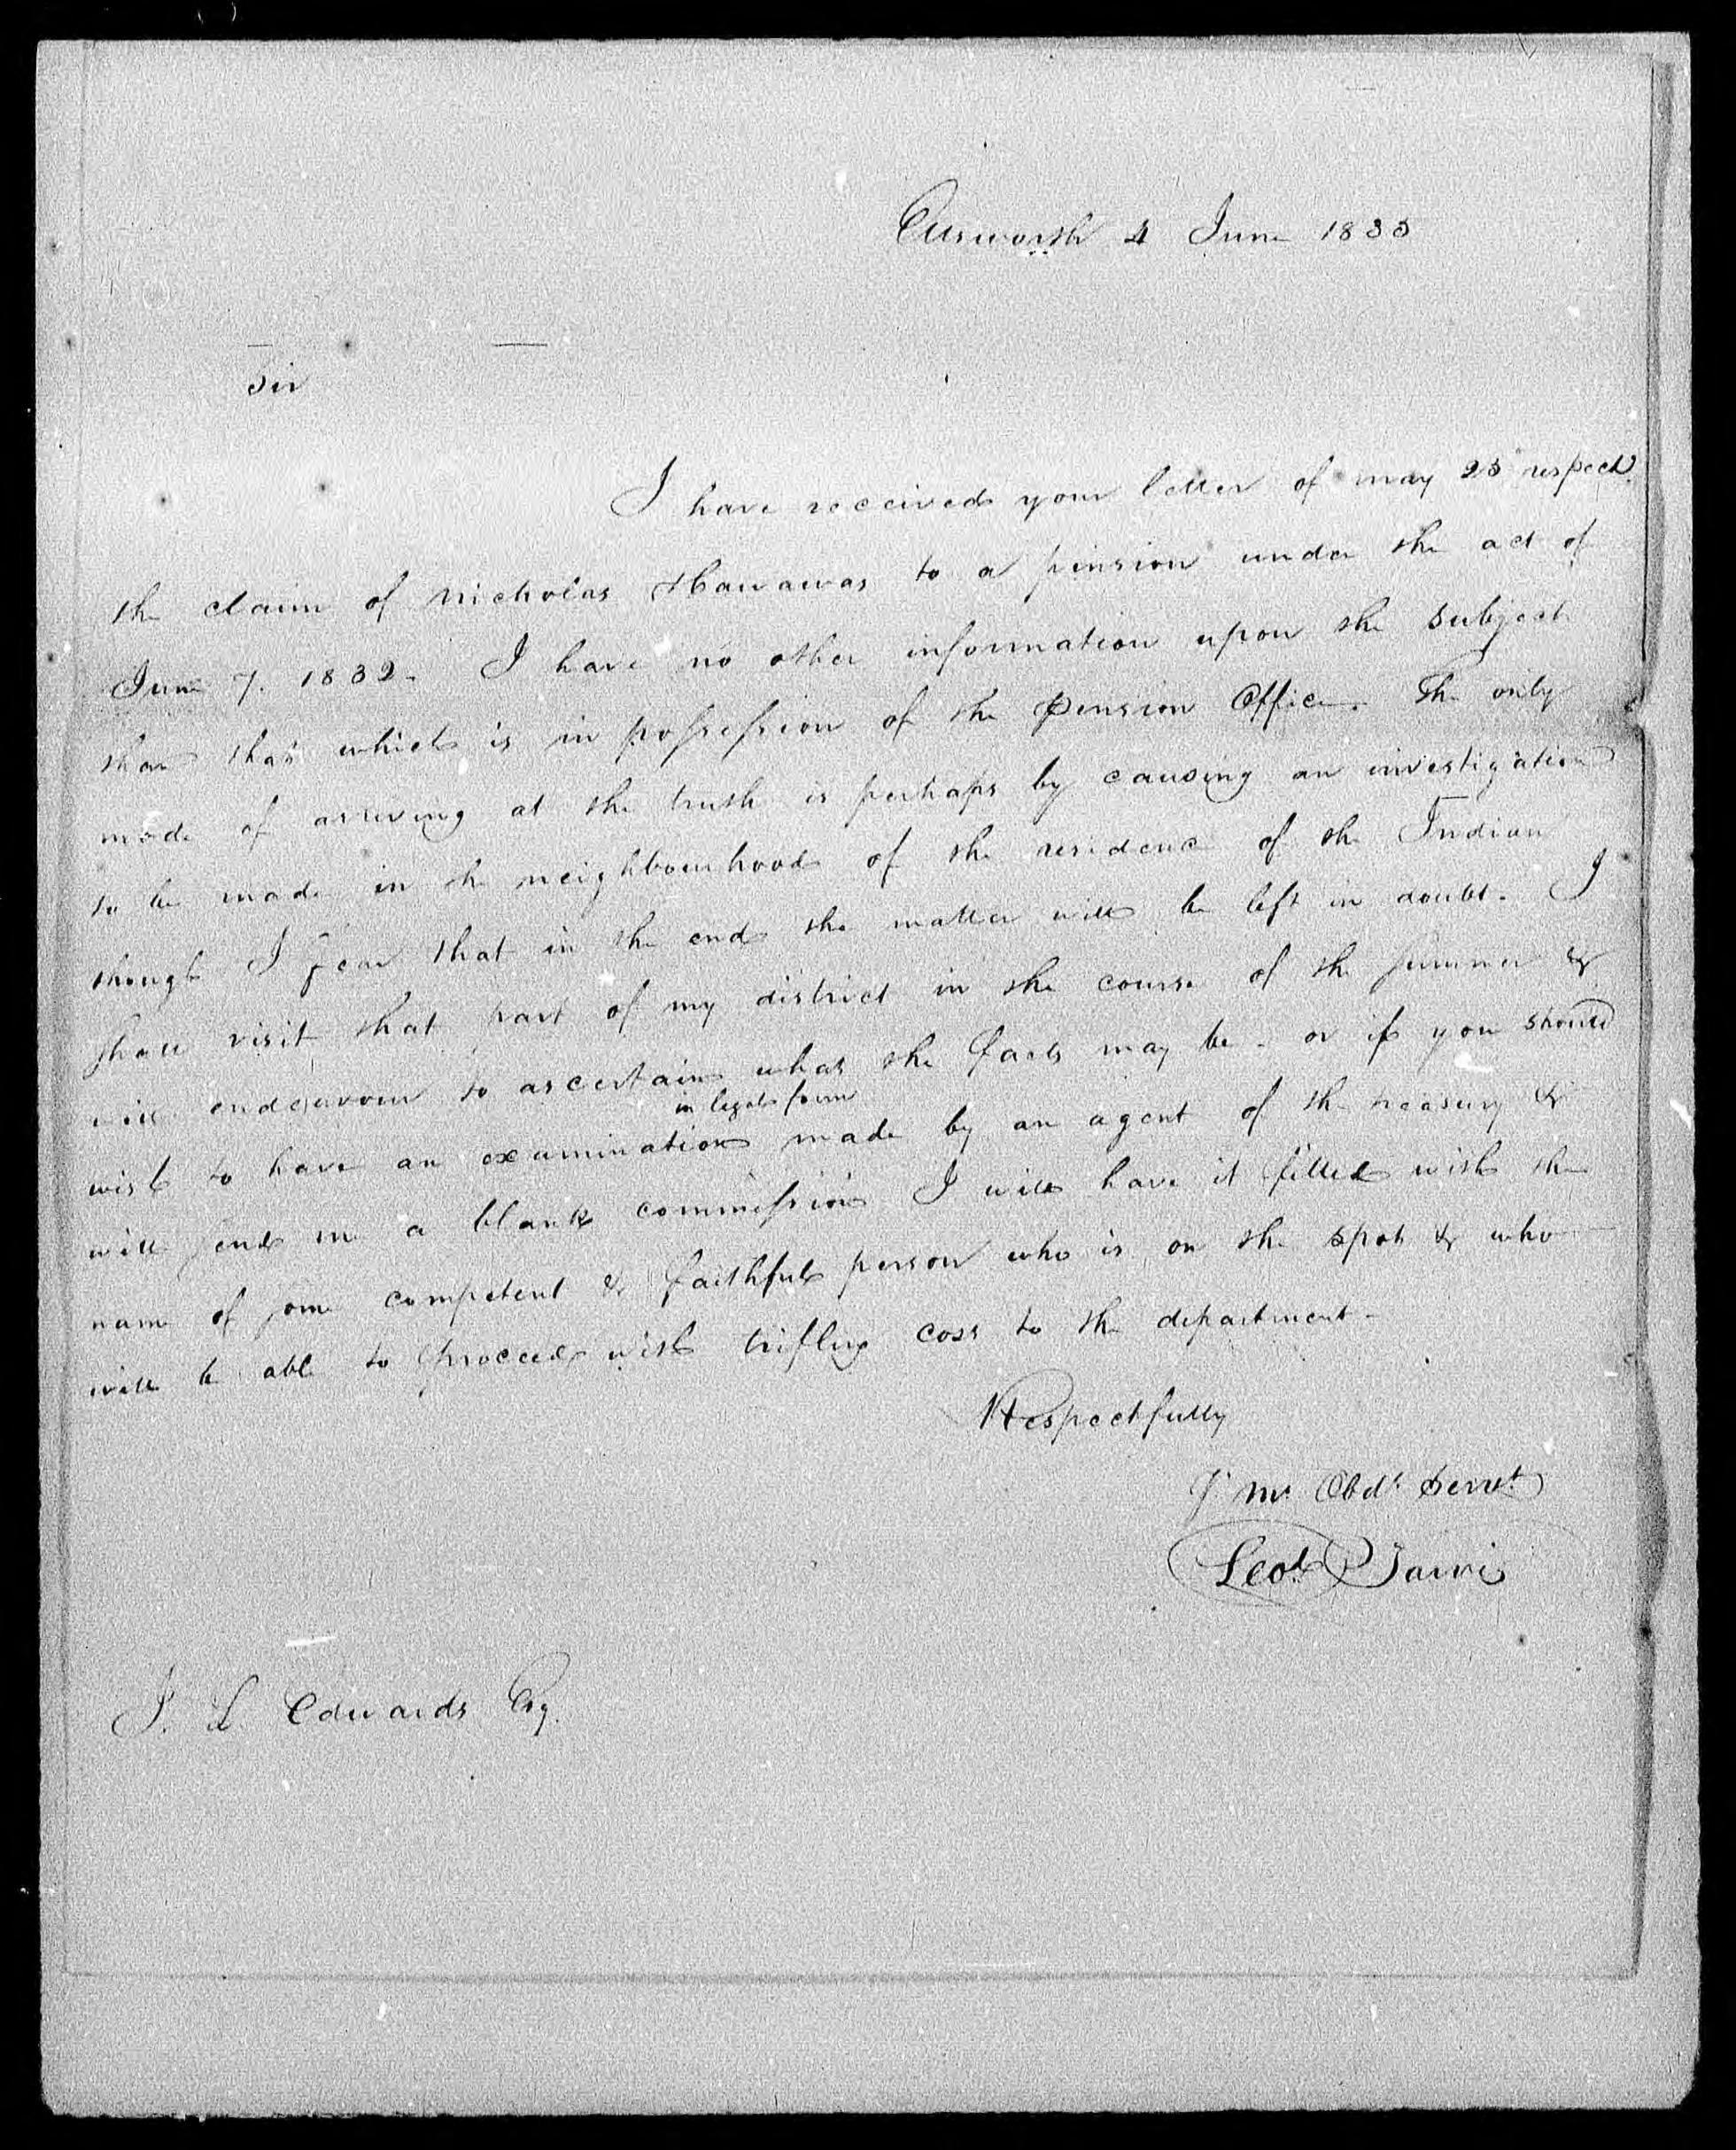[Ainsworth] 4 June 1835

I have received your letter of may [23] respect the claim of Nicholas Hawawas to a pension under the act of June 7, 1832. I have no other information upon the subject than that which is in [perception] of the pension officer. The only mode of arriving at the truth is perhaps by causing an investigation to be made in the neighborhoods of the residence of the Indian though I fear that in the end the matter will be left in doubt. I shall visit that part of my district in the course of the [summer] & will endeavour to ascertain in legal form what the facts may be or if you should wish to have an examination made by an agent of the [?] of will find in a  blank commission I will have it filled with the name of [one] competent and faithful person who is on the spot by who will be able to proceed with trifling cost to the department.
Respectfully
[I'm Obd Servant]
Leod Jarvis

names: Nicholas Hawawas, Leod Jarvis, J L Edwards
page: 39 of 52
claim: survivor's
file: S 17997, Nicholas Hawwawas, Mass.